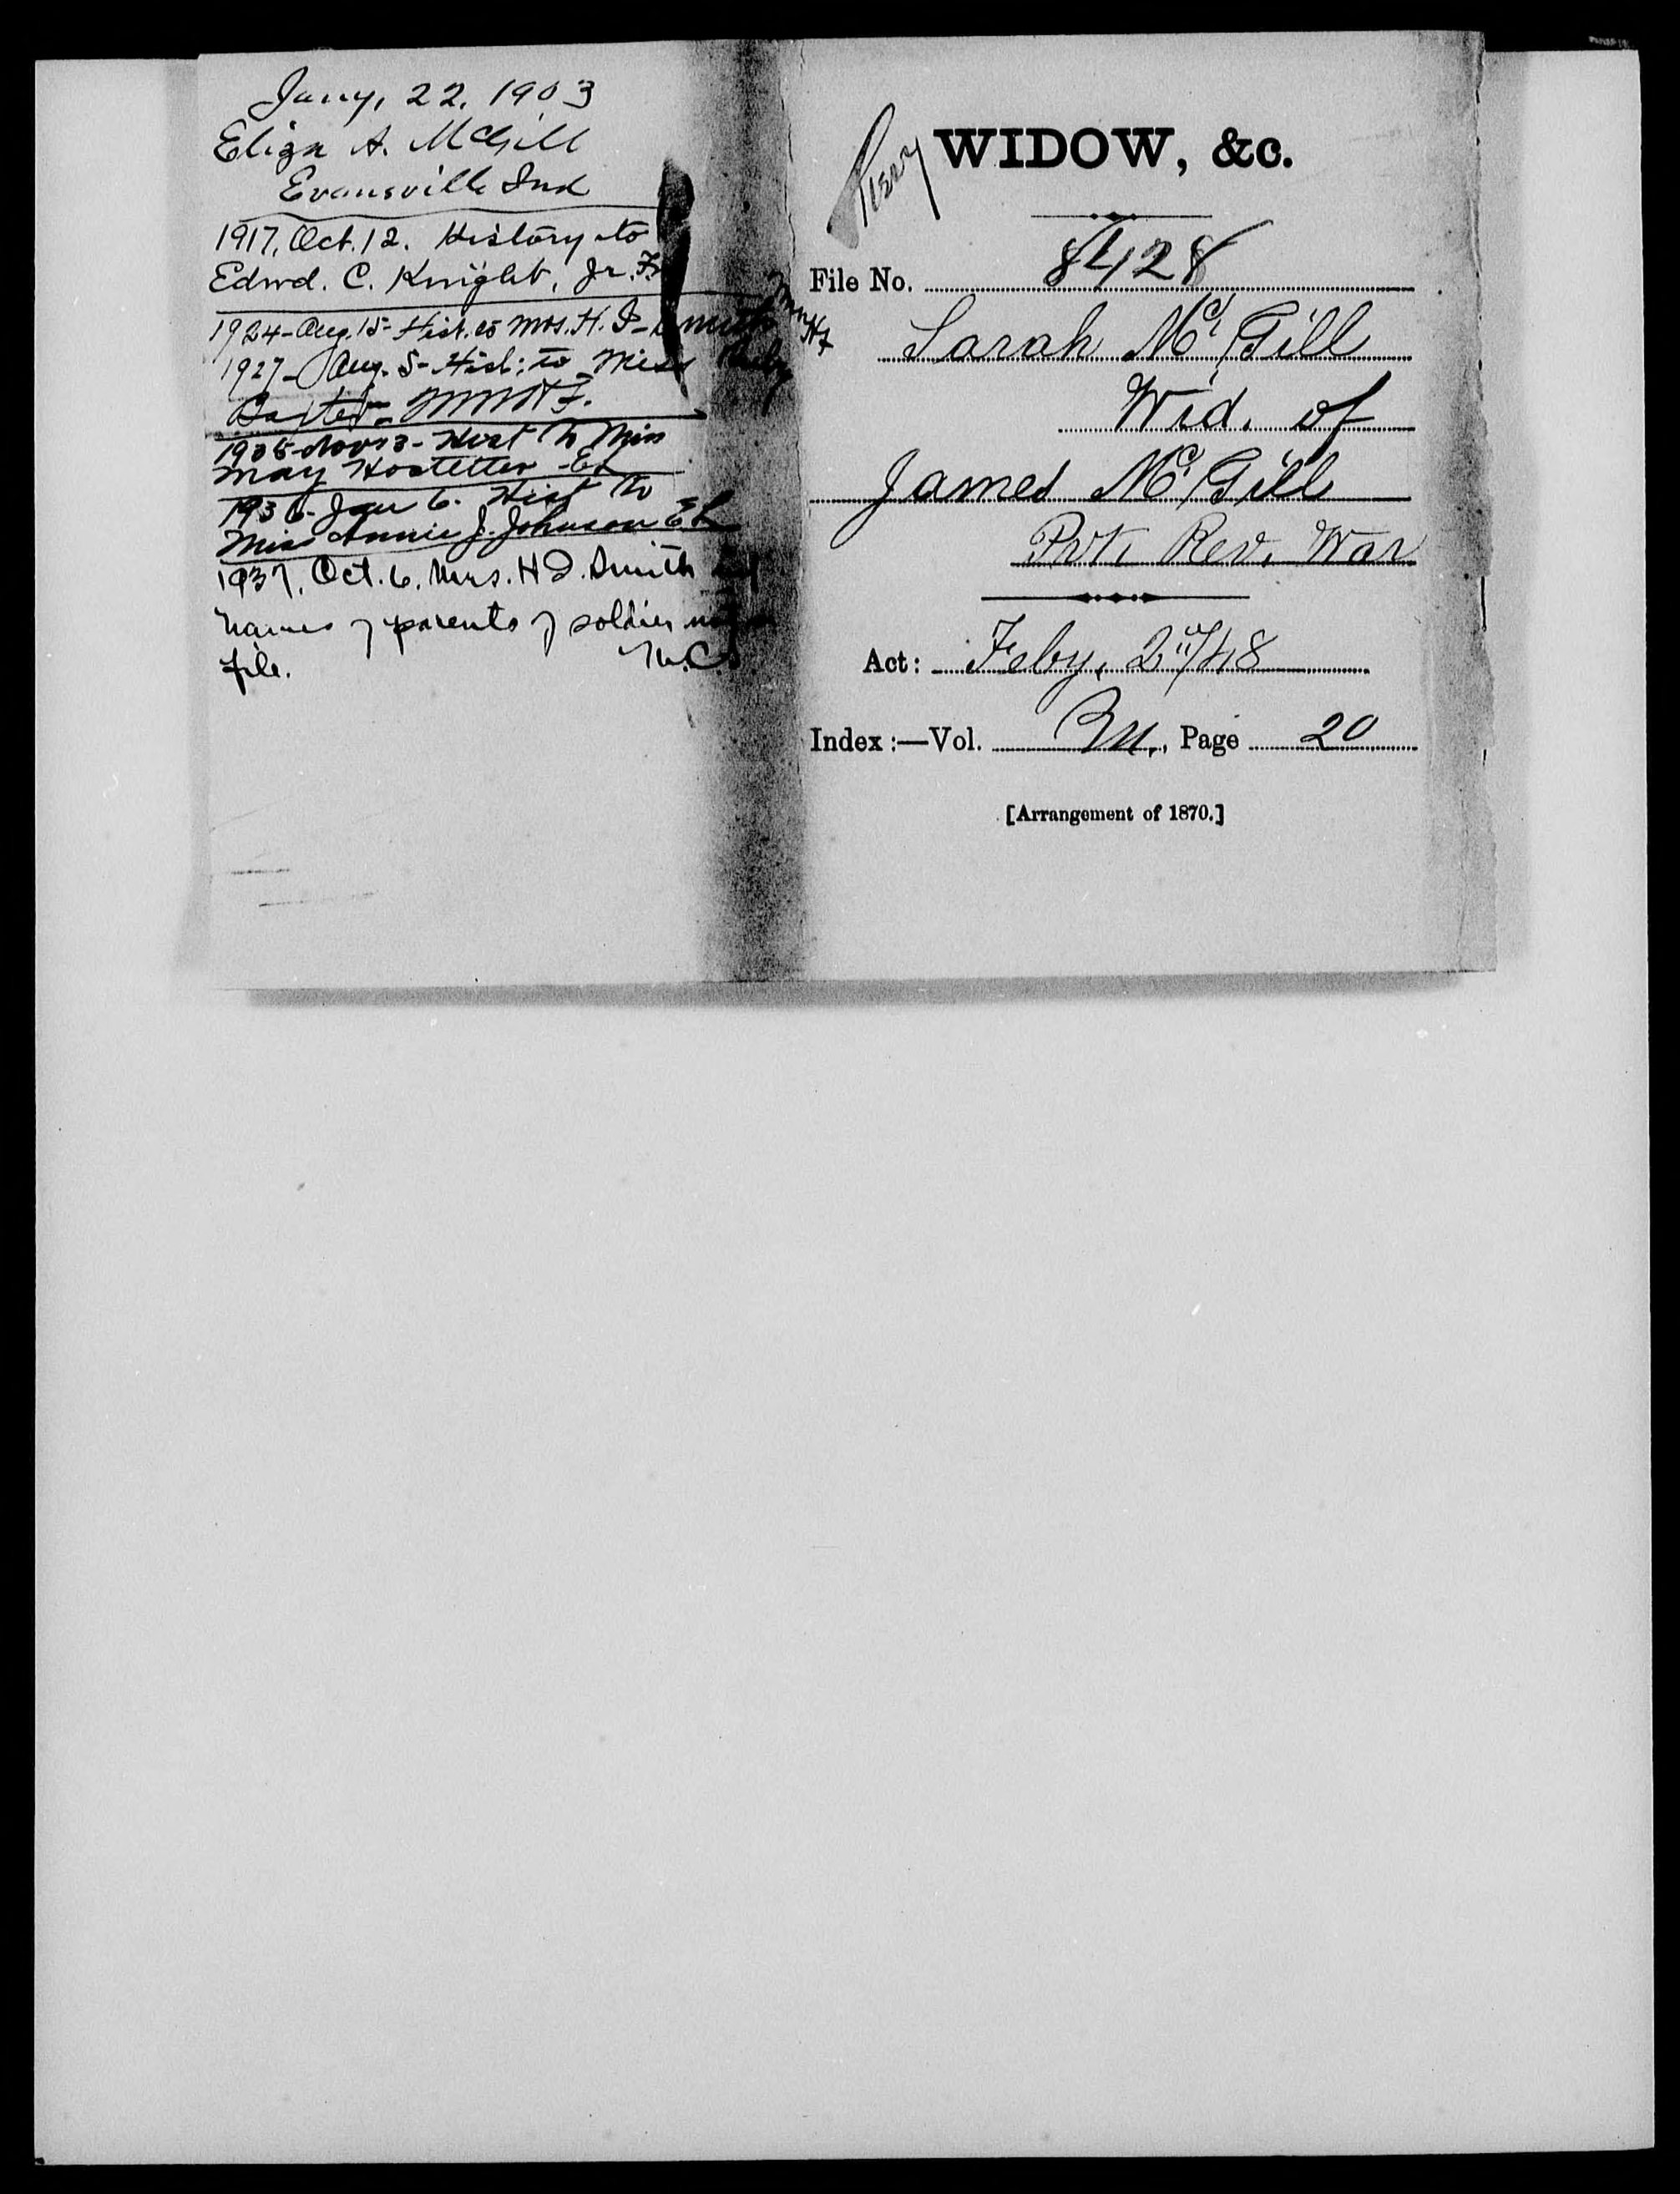Image 83       image  4160873_00083.jpg                               Fold3 File #23857249 
[Listing of correspondence from the public related to James McGill]
[Left side]  
Jany 22, 1903 Eliza A. McGill Evansville, Ind
1917, Oct 12 History to Edwd C. Knight, Jr. [?]
1924-Aug 15-Hist to Mrs. H. I. Smith
1927-Aug 5-Hist to Miss Riley Baxter -- M___[?]
1935-Nov 8-Hist to Miss May Hostetter - EL
1936-Jan 6. Hist to Miss Annie J. Johnson E.E.
1937-Oct 6. Mrs. H.I. Smith. names of parents of soldier no file.  M.C.
Right side    
[Form]   Pens WIDOW, &c.  File No. 8428
Sarah McGill   Wid. of James McGill    Pvt Rev. War
Act: Feby. 2 1818   Index: - - Vol. BM, Page 20,  [Arrangement of 1870.]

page: 25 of 71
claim: widow's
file: W. 8428, for James Mc Gill, Pennsylvania